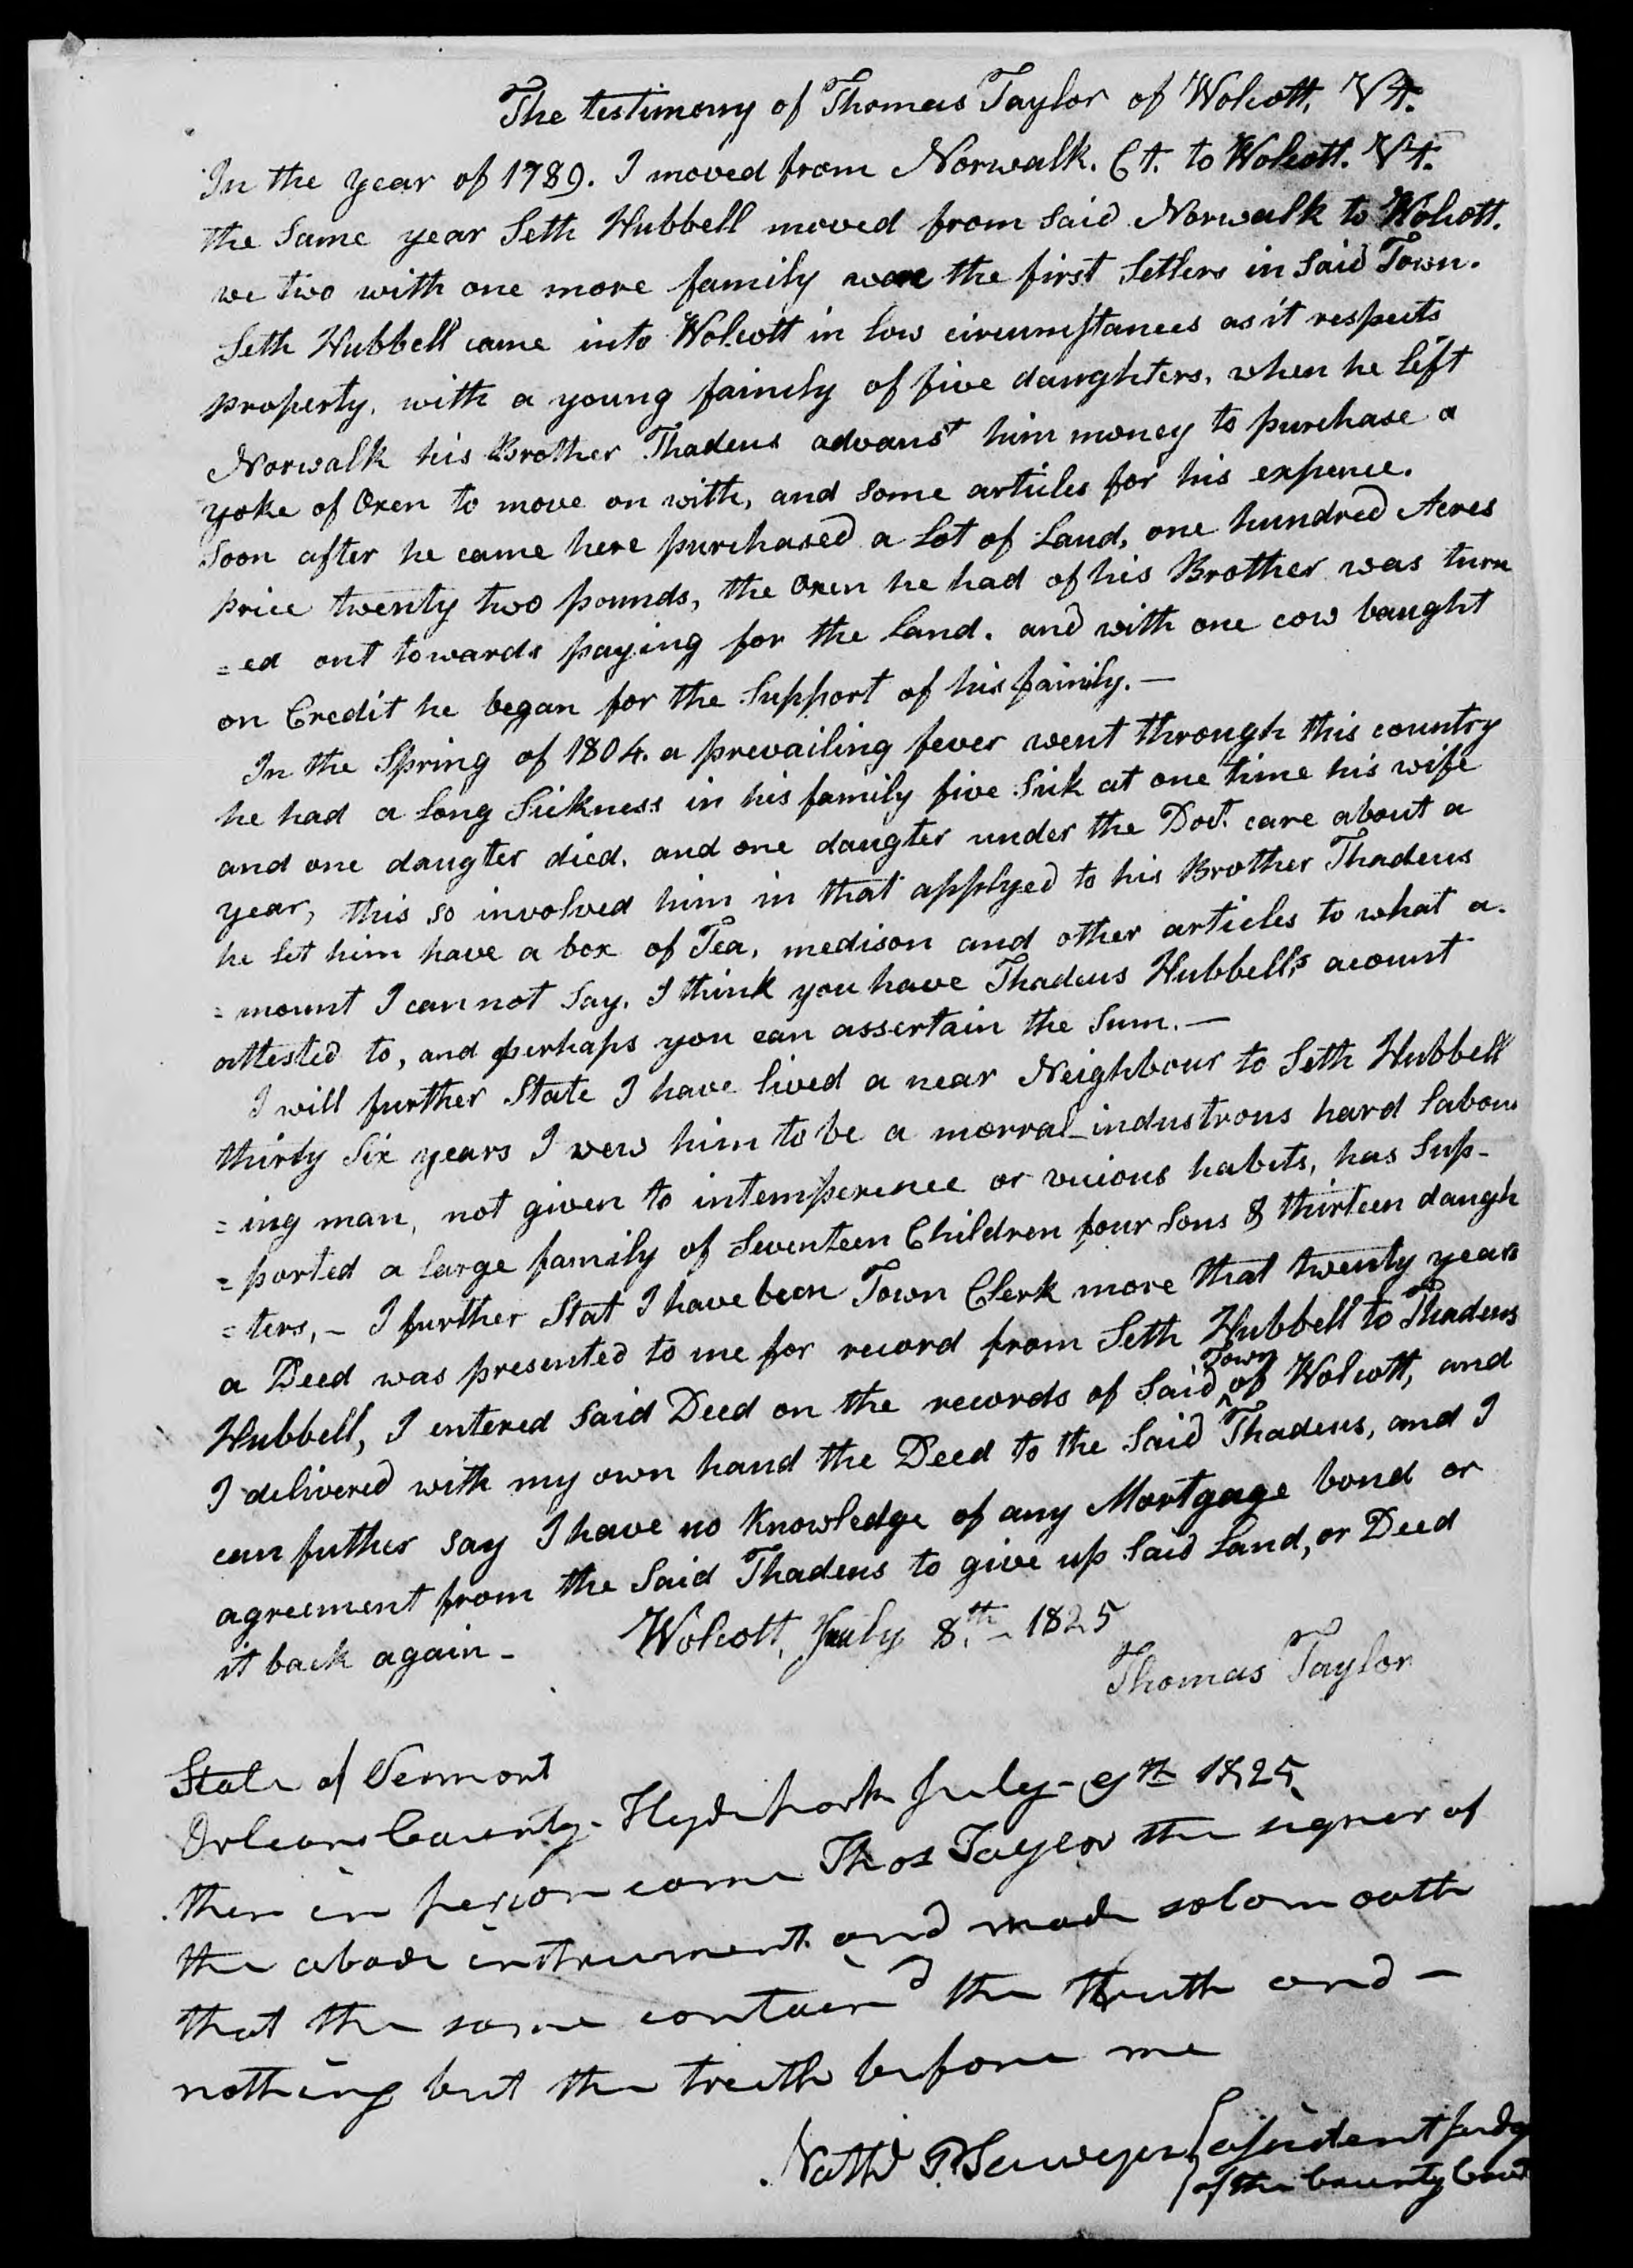The testimony of Thomas Taylor of Wolcott, VT. In the year of 1789. I moved from Norwalk. CT. to Wolcott. VT. The same year Seth Hubbell moved from said Norwalk to Wolcott. we two with one more family were the first settlers in said Town. Seth Hubbell came into Wolcott in his circumstances as it respects property, with a young family of five daughters, when he left Norwalk his brother Thadeus advanst him money to purchase a yoke of oxen to move on with, and some articles for his expense. Soon after he came here purchased a lot of Land, one hundred Acres price twenty two pounds, the oxen he had of his Brother was turned out towards paying for the land, and with one cow bought on Credit he began for the Support of his family. - 

In the Spring of 1804, a prevailing fever went through this country he had a long Sickness in his family five Sick at one time his wife and one daughter died, and one daugter under the Doc.'s care about a year, this so involved him in that applyed to his Brother Thadeus to let him have a box of Tea, medison and other articles to what amount I cannot say, I think you have Thadeus Hubbell's acount attested to, and perhaps you can assertain the sum. 

I will further State I have lived a near Neighbour to Seth Hubbell thirty six years I new him to be a morral industrous hard labouring man, not given to intemperance or vicious habits, has supported a large family of Seventeen Children four Sons and thirteen daughters, - I further Stat I have been Town Clerk more that twenty years a Deed was presented to me for record from Seth Hubbell to Thadeus Hubbell, I entered said Deed on the records of Said Town of Wolcott, and I delivered with my own hand the Deed to the Said Thadeus, and I can further say I have no knowledge of any Mortgage bond or agreement from the Said Thadeus to give up said Land, or Deed it back again - Wolcott, July 8th 1825

Thomas Taylor

State of Vermont
Orleans County - Hydepark July 9th 1825.
Then in person came Thos Taylor the signer of the above instrument and made solom oath that the same contained the truth and - nothing but the truth before me. 
Nathl P. Sawyer assistant Judge of the County Court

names: Seth Hubbell, Thadeus Hubbell, Nathl P Sawyer, Thomas Taylor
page: 107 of 114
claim: widow's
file: W. 2115, Seth Hubbell, Conn.